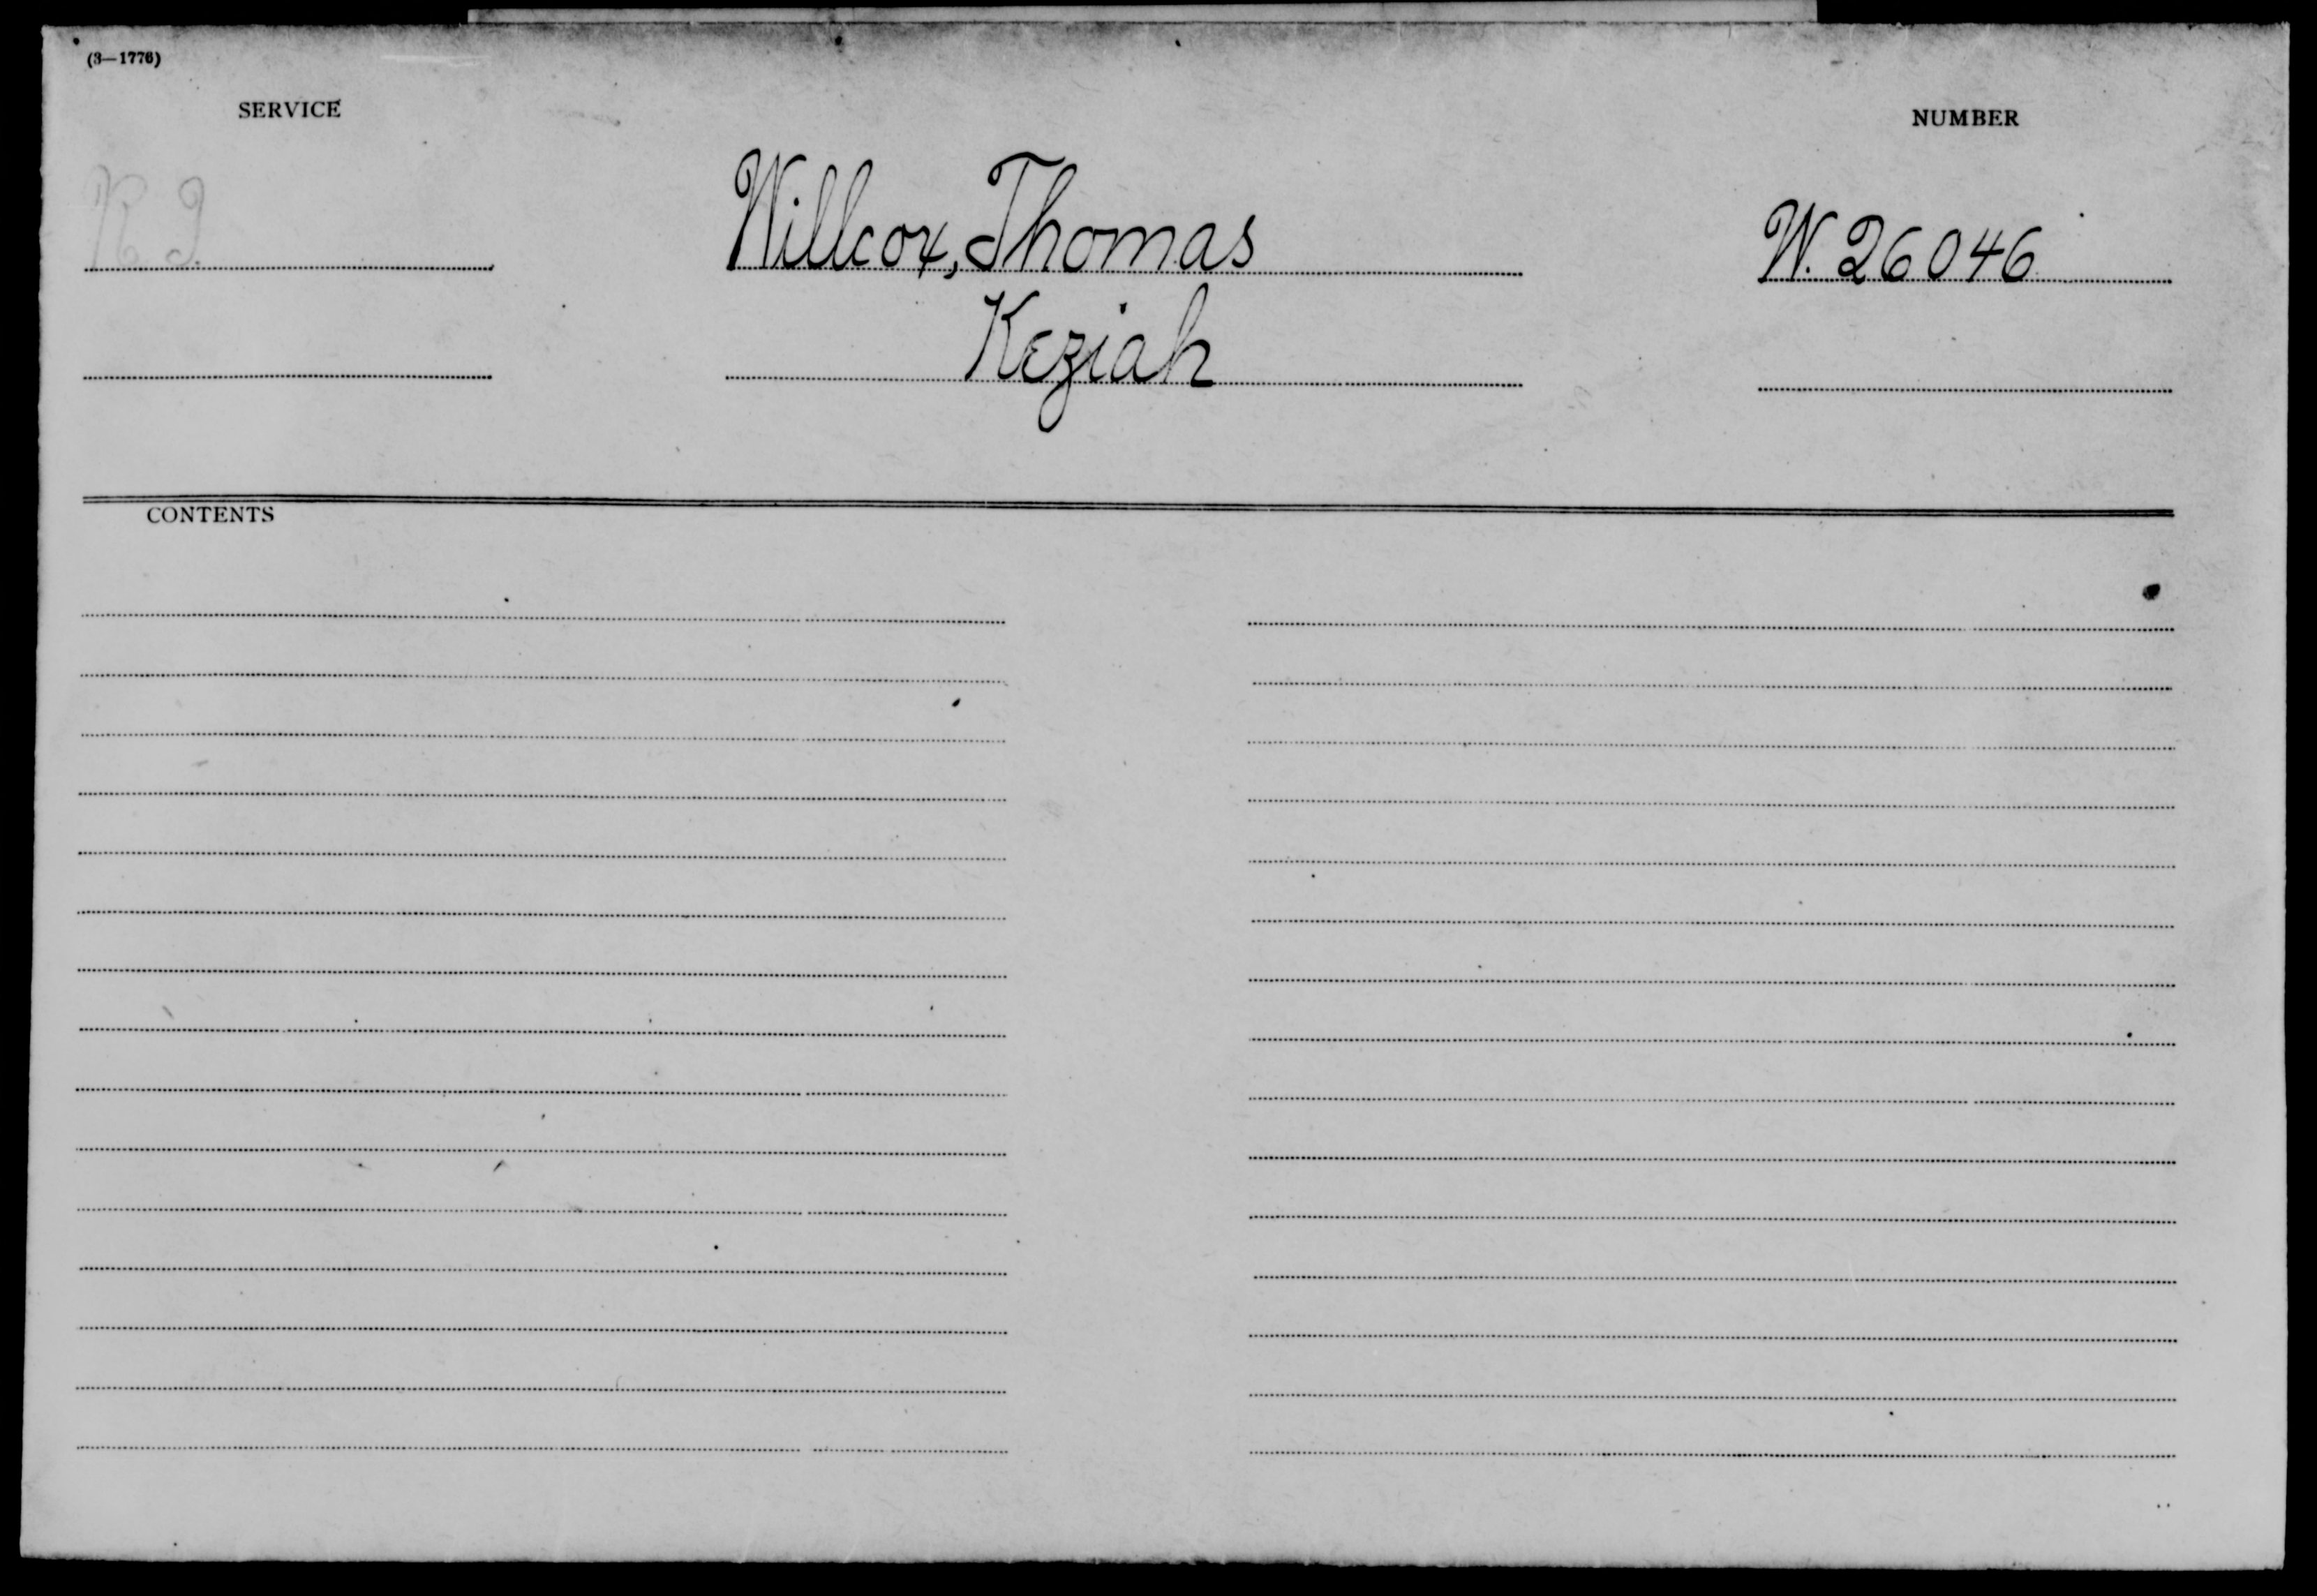(3-1776)
SERVICE
R.I. 

Wilcox, Thomas
Keziah

NUMBER
W.26046

CONTENTS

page: 1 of 39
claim: widow's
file: W. 26046, Thomas Willcox, R.I.